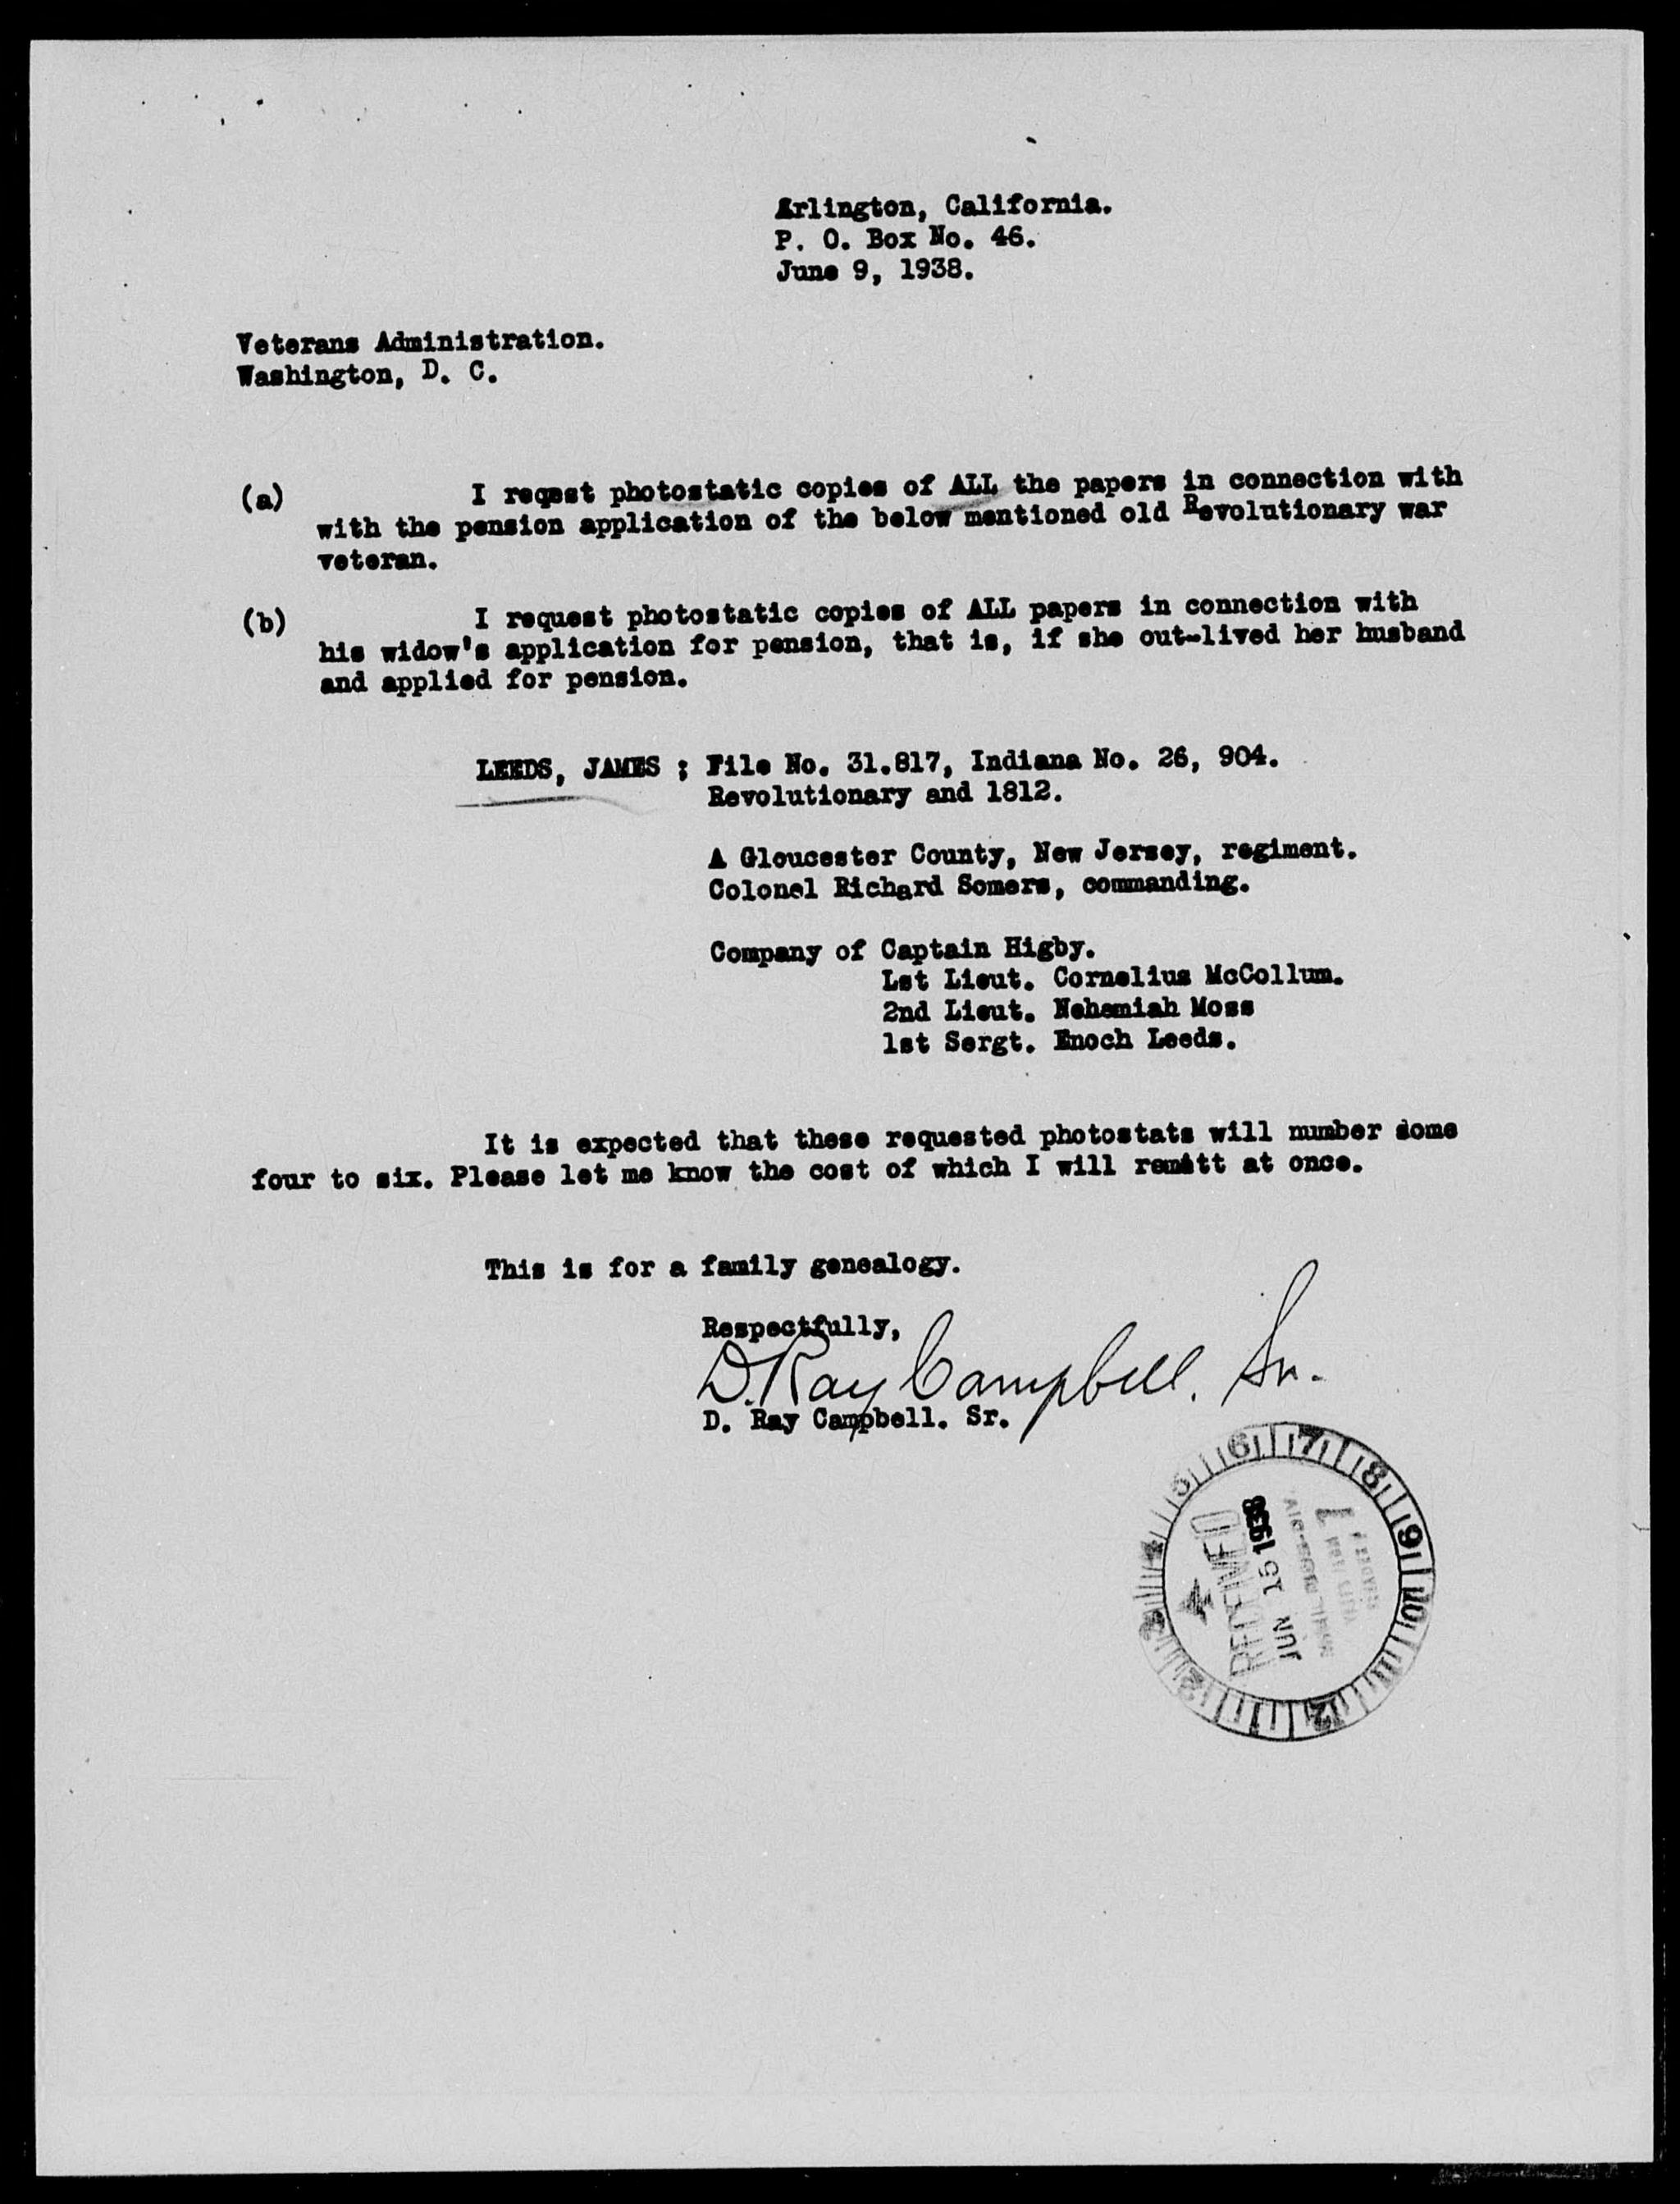Arlington, California.
P. O. Box No. 46.
June 9, 1938.
Veterans Administration.
Washington, D. C.
(a) I reqest [underlined] photostatic copies of [underlined] ALL the papers in connection with
with the pension application of the below mentioned old Revolutionary war
(b) I request photostatic copies of ALL papers in connection with
his widow's application for pension, that is, if the out-lived her husband
and applied for pension.
[underlined] LEEDS, JAMES: File No. 31817, Indiana No. 26, 904.
Revolutionary and 1812
A Gloucester County, New Jersey, regiment.
Colonel Richard Somers, commanding.
Company of Captain Higby.
Let Lieut. Cornelius McCollum.
2nd Lieut. Nehemiah Moss
1st Sergt. Enoch Leeds.
It is expected that these requested photostats will number some
four to six. Please let me know the cost of which I will remitt at once.
This is for a family genealogy.
Respectfully,
D. Ray Campbell, Sr.
[stamped] RECEIVED JUN 15 1938
MAIL [illegible] DIV
[illegible]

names: Enoch Leeds; Richard Somers; Cornelius Mc Collum; [BLANK] Higby; Nehemiah Moss; D Ray Campbell; James Leeds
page: 23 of 38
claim: survivor's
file: S 31817, for James Leeds, New Jersey